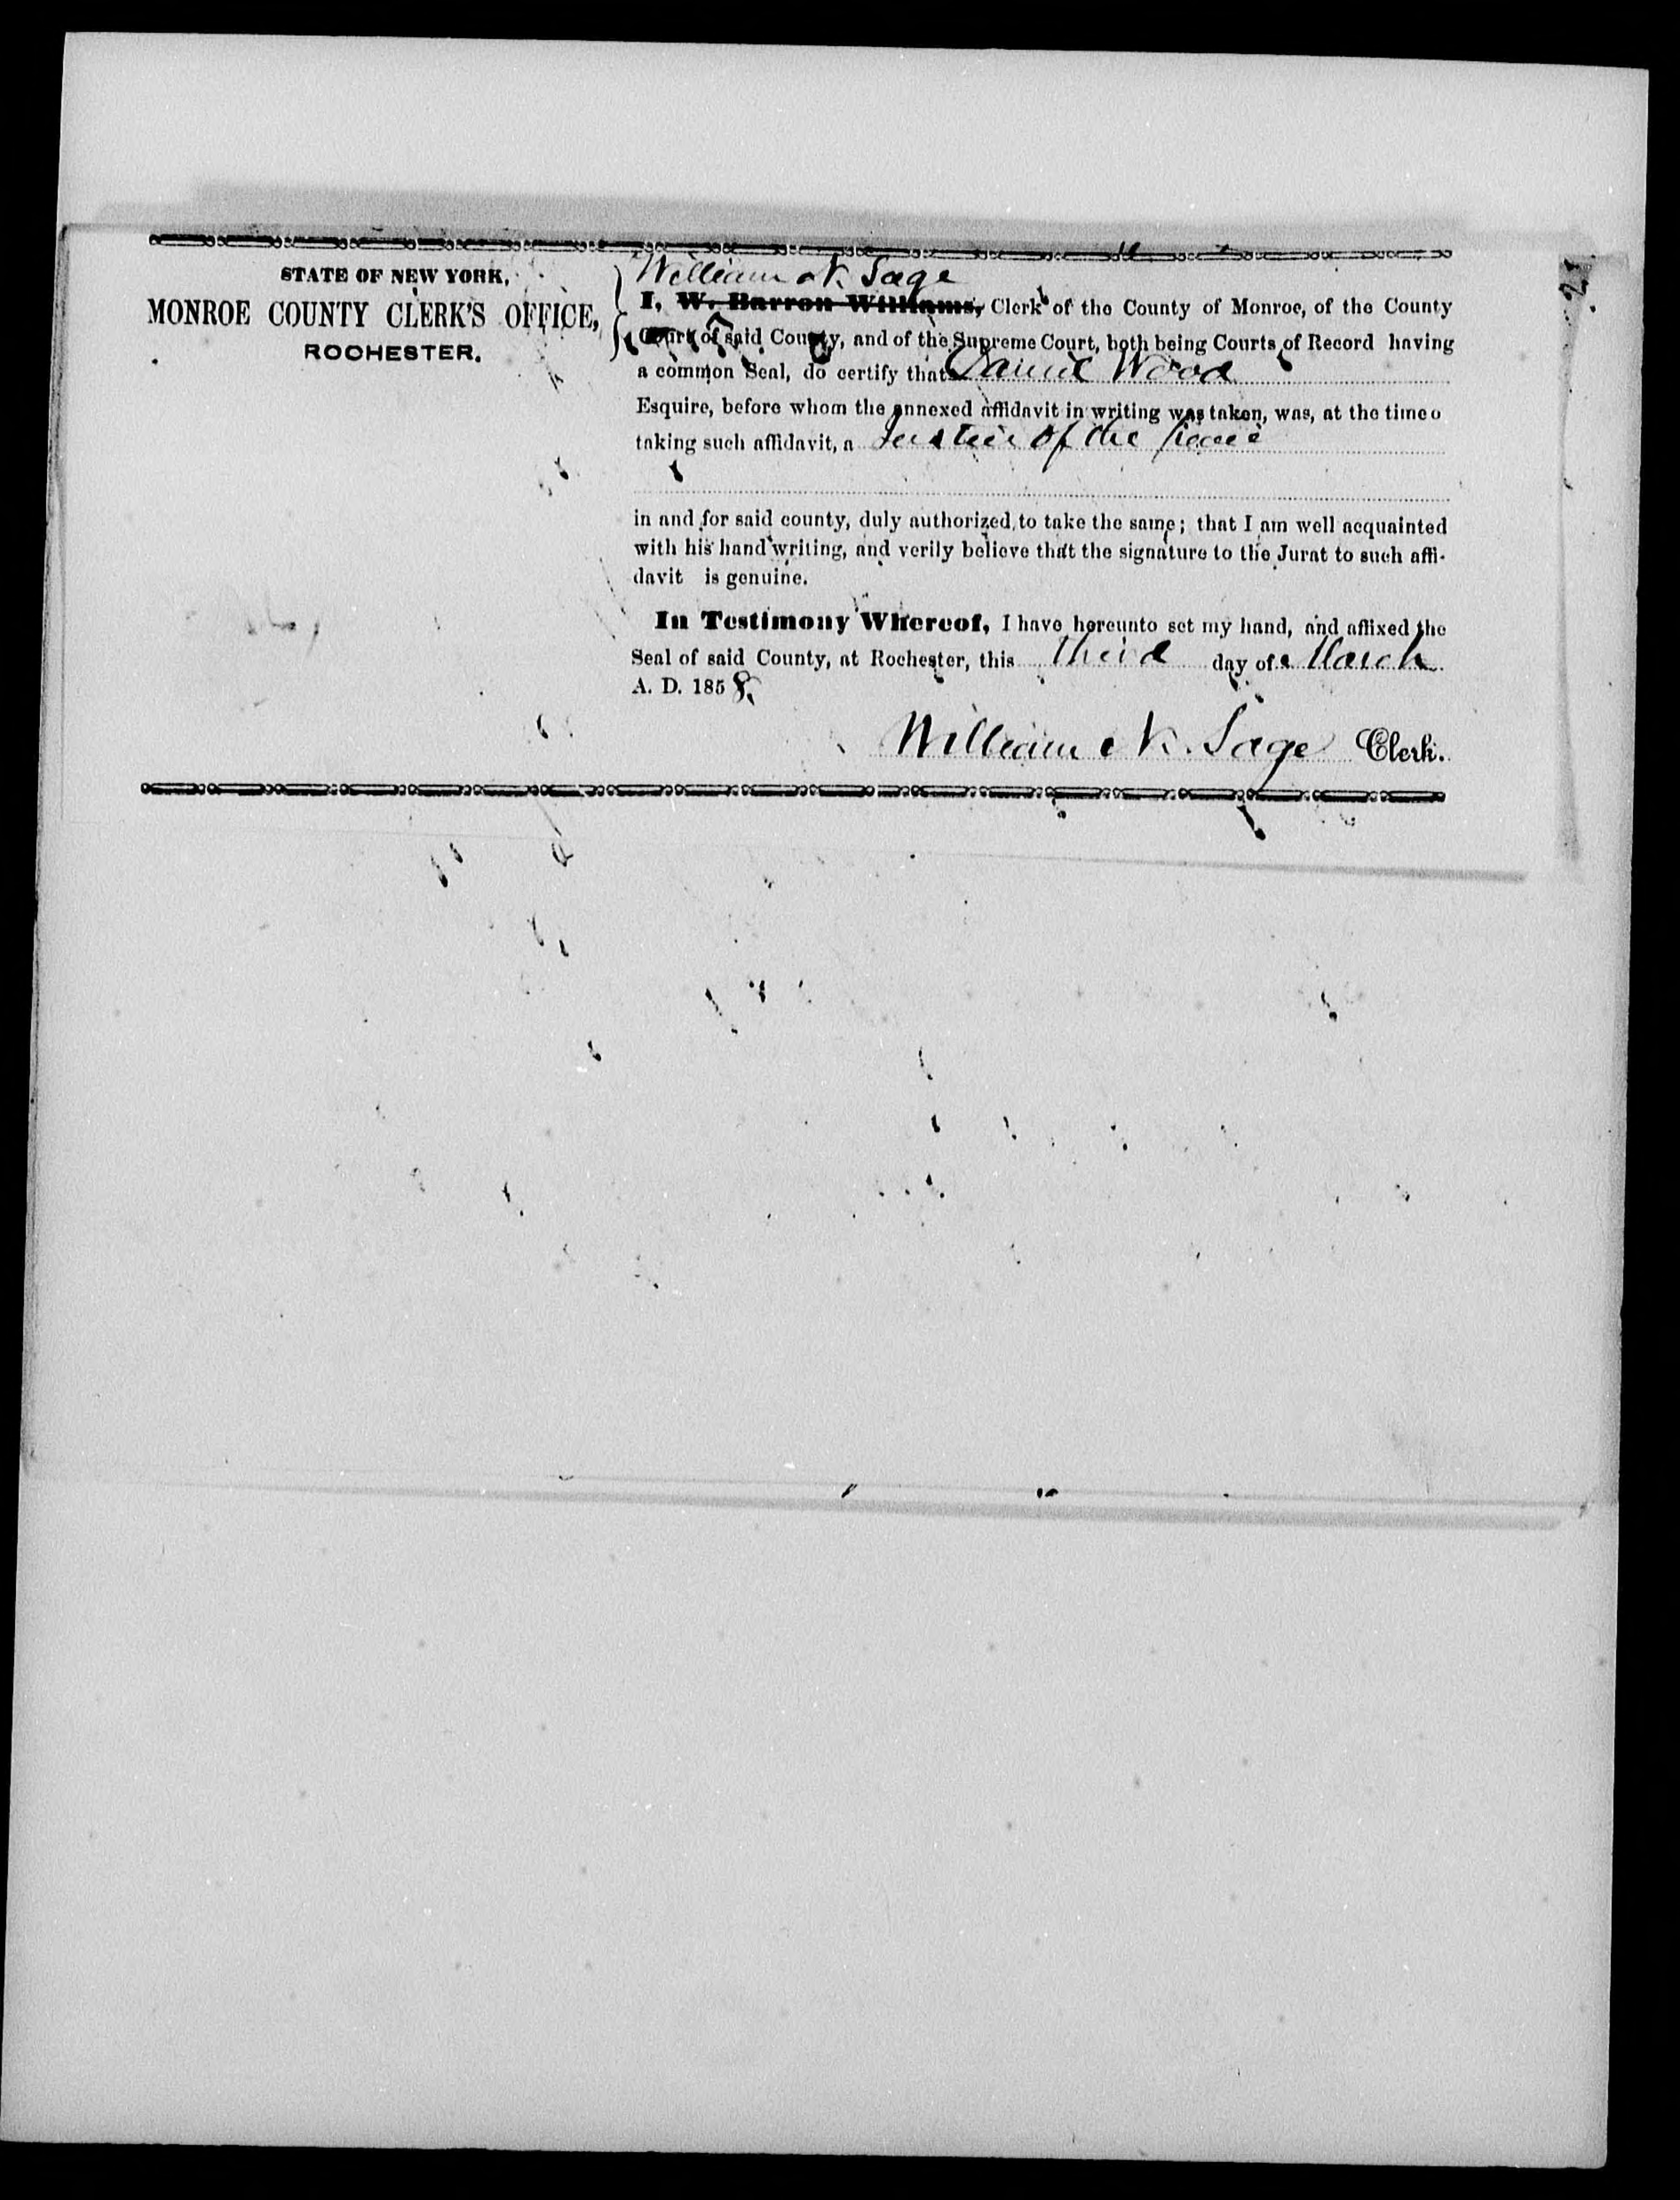STATE OF NEW YORK.
MONROE COUNTY CLERKS OFFICE,
ROCHESTER.
William N Page
I, W. Warren Williams, Clerk of the County of Monroe, of the County
of said County, and of the Supreme Court, both being Court of Record having
a common seal, do certify that Daniel Wood
Esquire, before whom the annexed affidavit in writing was taken, was, at the time
taking such affidavit, a Justice of the peace
in and for said county, duly authorized to take the same; that
I am well acquainted with
his hand writing, and verily believe that the signature to the Jurat to such affidavit
is genuine.
In Testimony whereof, I have hereunto set my hand and affixed the
Seal of said County, at Rochester, this third day of March
A.D. 1858.
William N. Sage Clerk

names: William N Sage, Daniel Wood, William N Sage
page: 41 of 41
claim: widow's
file: W. 9819, Nathaniel Cumings, Vt.